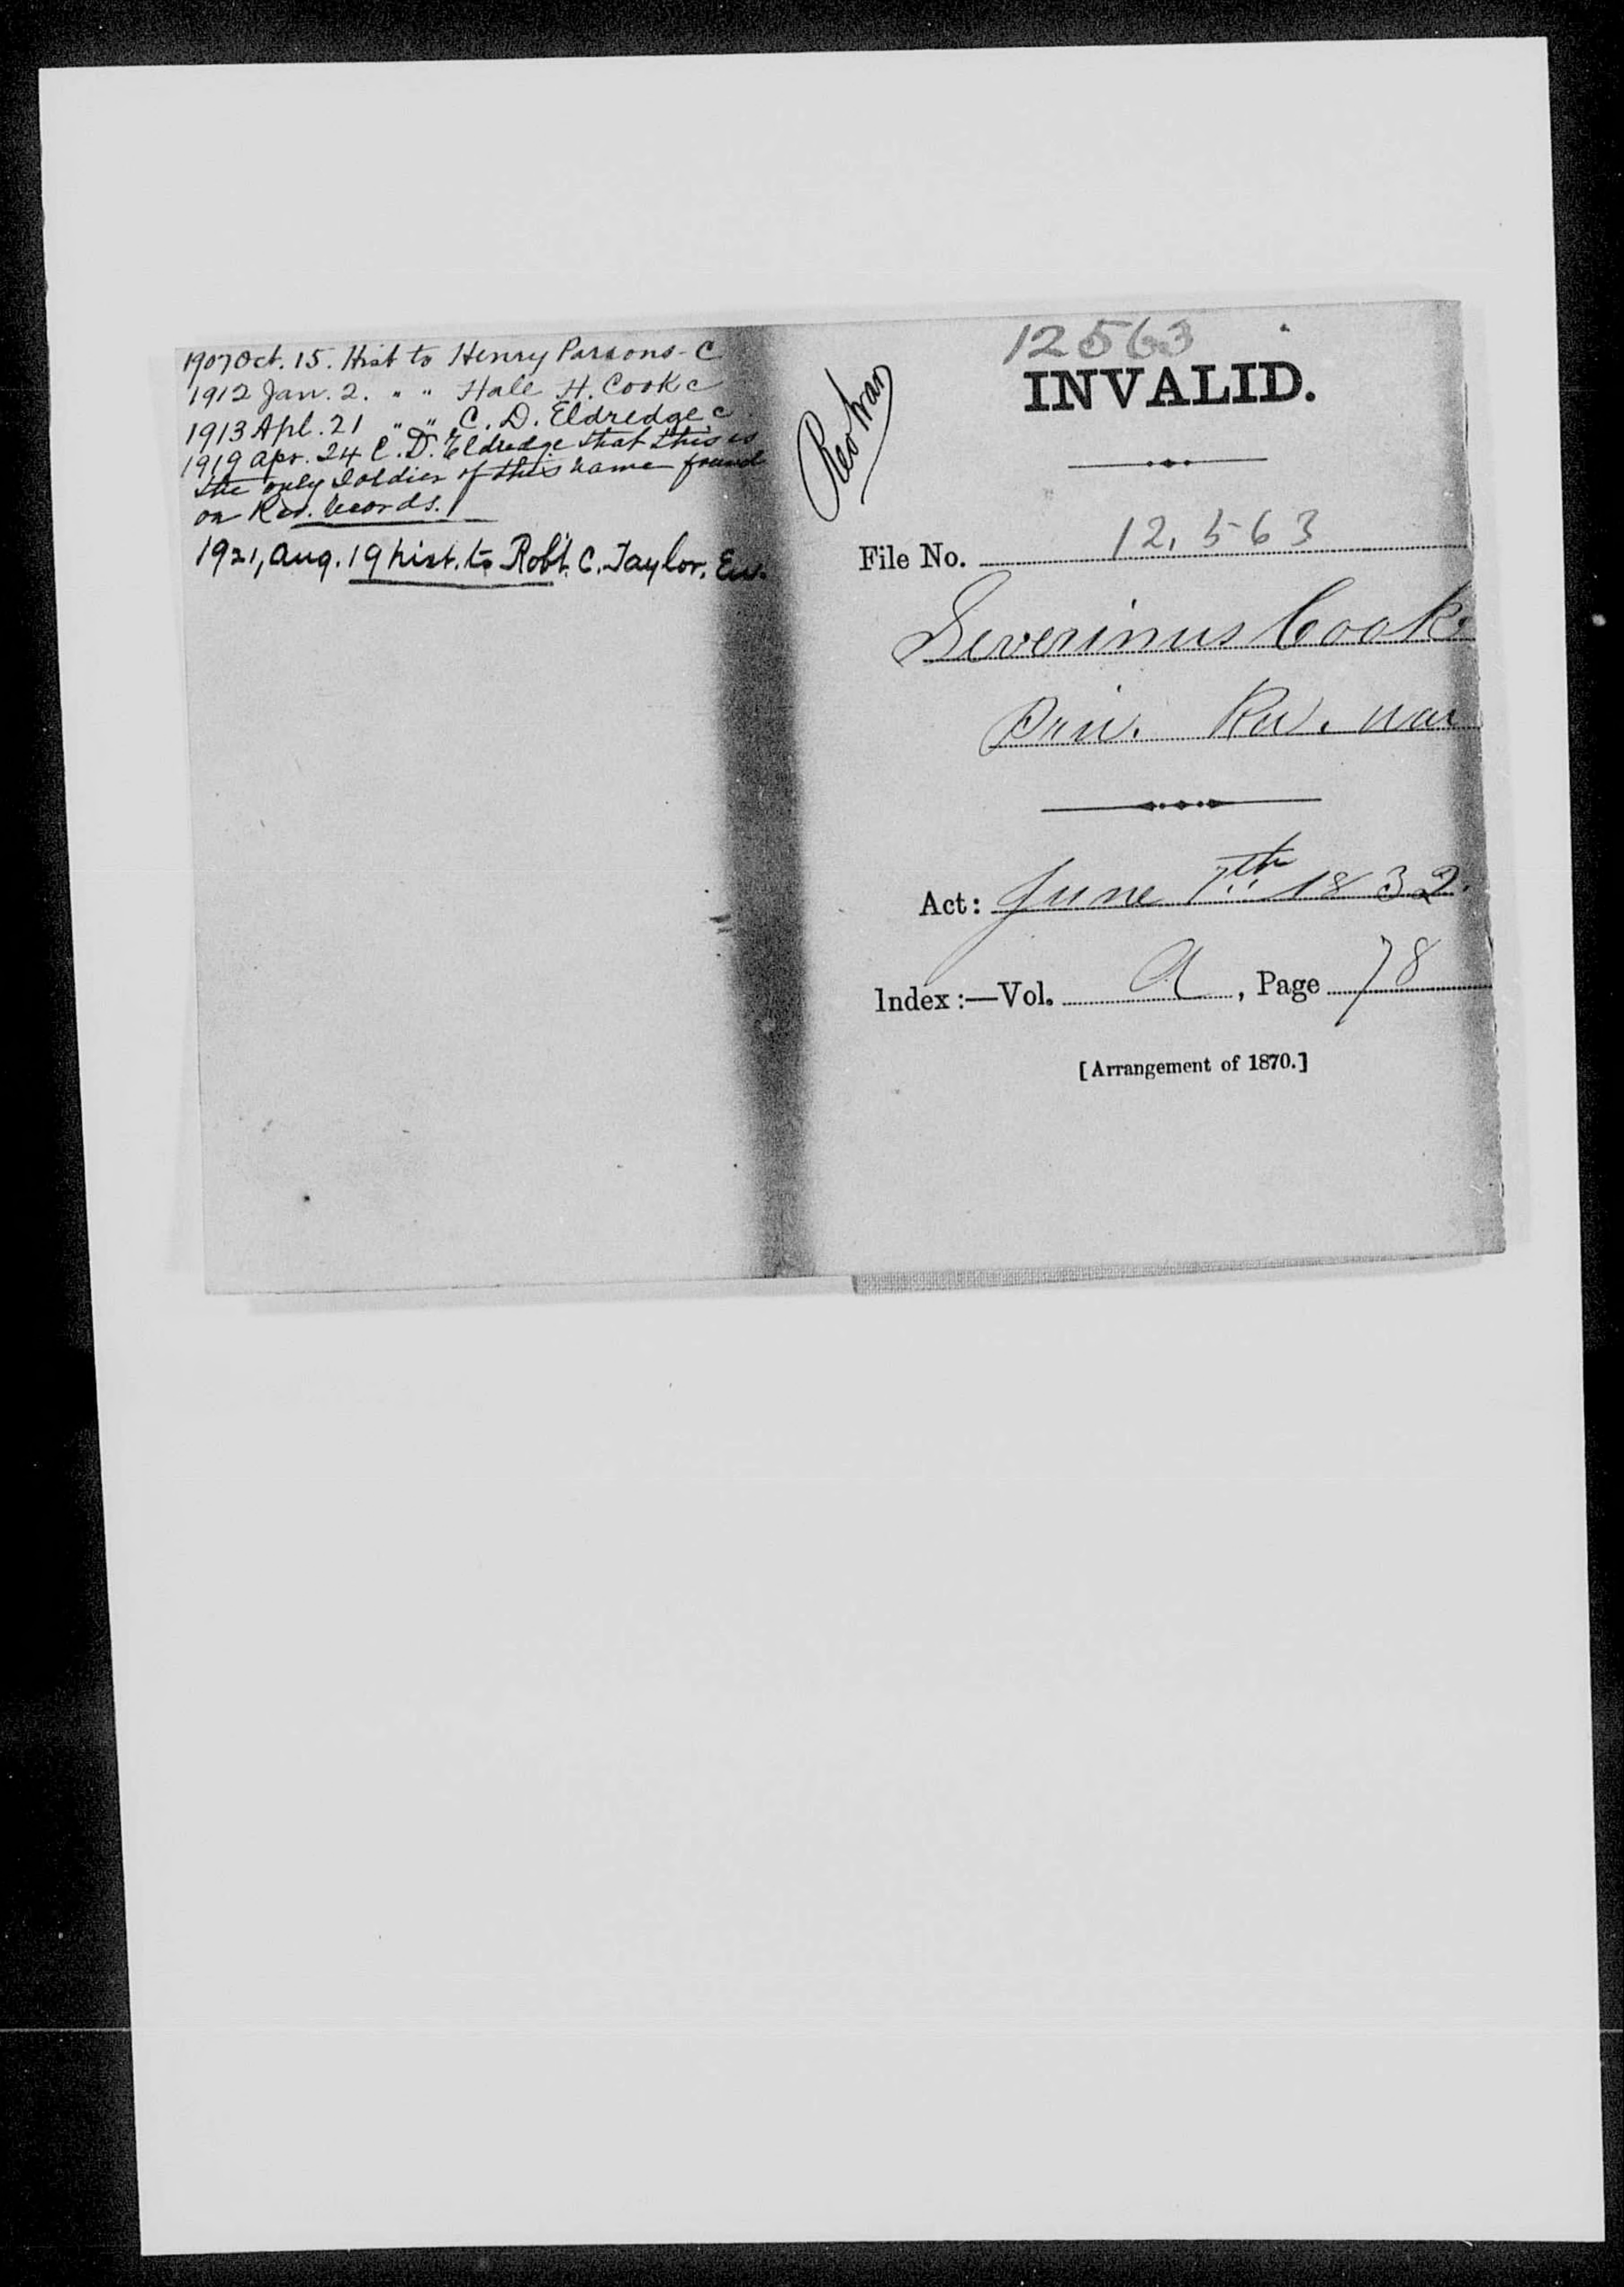1907 Oct. 15. Hist to Henry Parsons - C
1912 Jan. 2. " " Hall H. Cook C
1912 Apl. 21 " " C. D. Eldredge  C
1919 Apr. 24 C.D. Eldredge that this the only soldier of this same name found on Rev. Records.
1921, Aug. 19 hist, to Robt. C. Taylor, Esq

Rev War
12563
INVALID.
File No. 12.563
Severinus Cook
Priv. Rev. War
---
Act: June 7th 1832
Index: -- Vol. A, Page 78

[Arrangement of 1870.]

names: Severinus Cook, Hale H Cook, C D Eldredge, Robt C Taylor, Henry Parsons, C D Eldredge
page: 19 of 51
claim: survivor's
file: S. 12563, Severinus Cook, New York